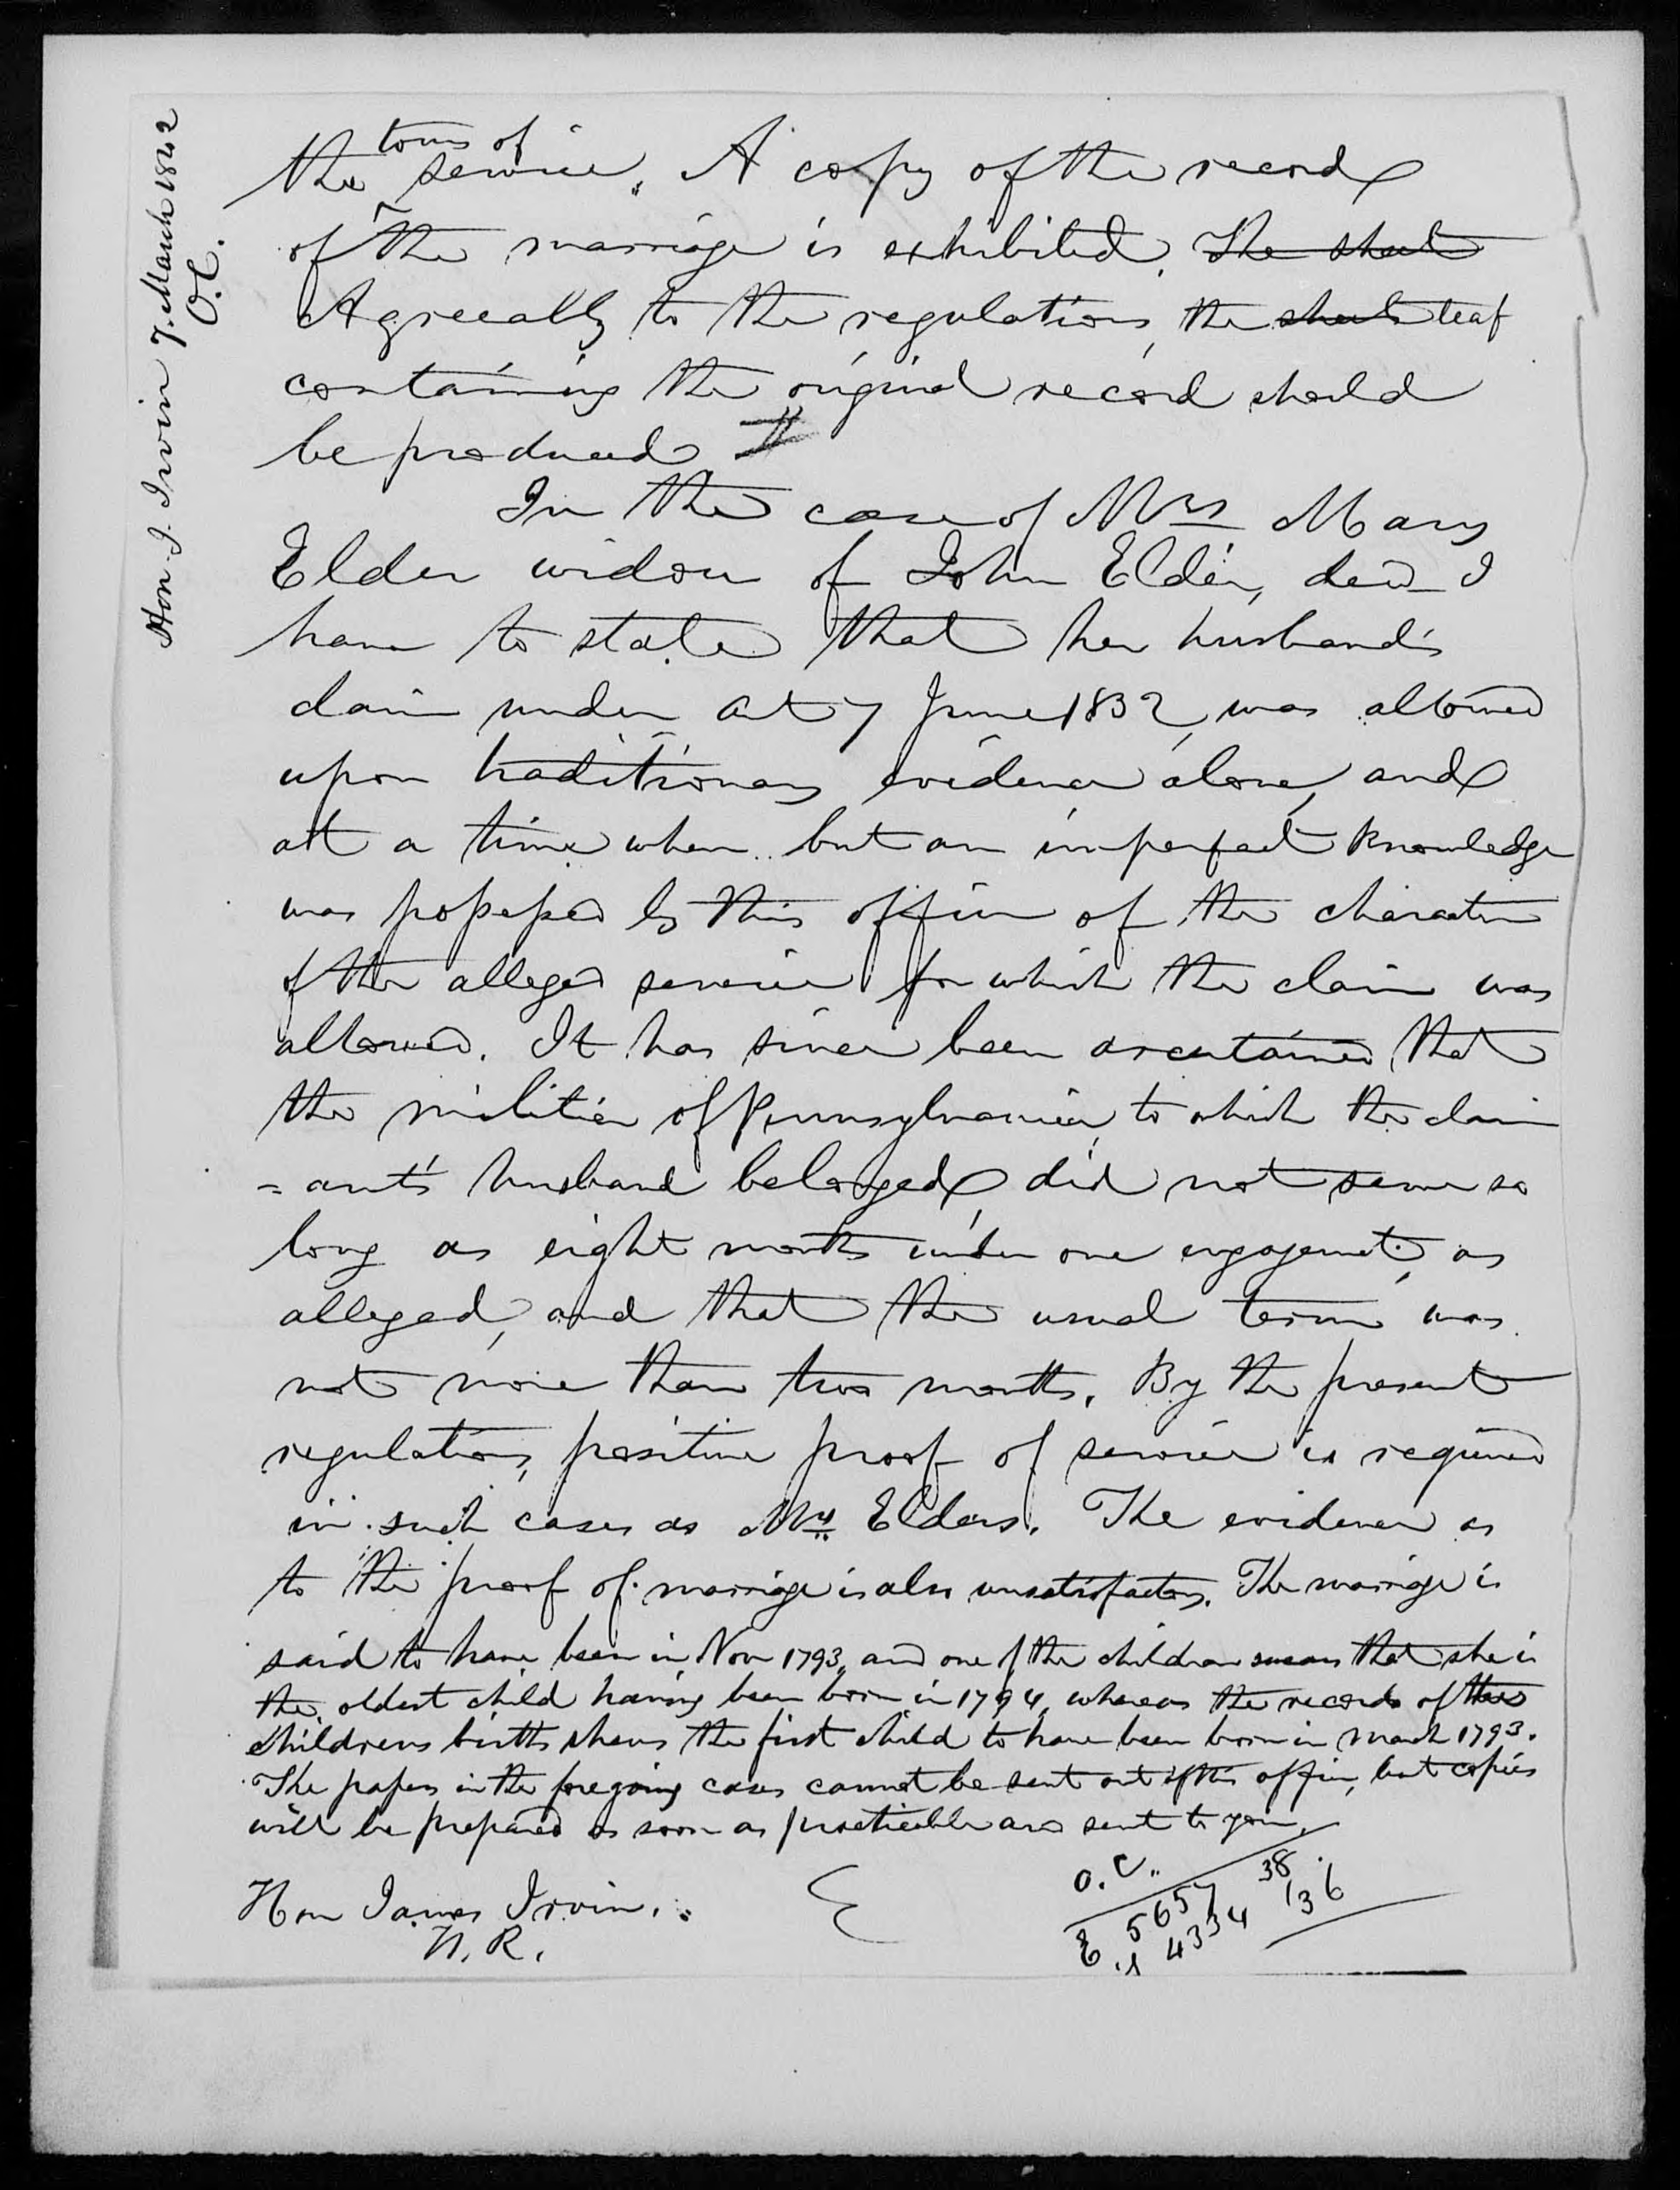the service. A copy of the record of the marriage is exhibited. The [crossed out] Agreeably to the regulation the [crossed out] sheaf containing the original record should be produced.
In the case of Mrs Mary Elder widow of John Elder, dec. I have to state that her husband's
claim under at 7 June 1832 was allowed upon traditionary evidence above and at a time when but an imperfect knowledge was possessed to this office of the character of the alleged service on which the claim was allowed. It has since been [illegible] that the militia of Pennsylvania to which the [illegible] husband belonged did not see so
long as eight months under one engagement as
alleged and that the usual term was not more than two months. By the present regulations, positive proof of service is required in such cases as Mr. Elder. The evidence as to the proof of marriage is also unsatisfactory. The marriage is said to have been in Nov 1793 and one of the children swears that she is the oldest child having been born in 1794, whereas the record of this children’s birth the first child to have been born in March 1793. The papers in the foregoing case cannot be sent out of this office, but copies will be prepared as soon as par table and sent to you.
Hon. James Irvin
NR.                        } O.C./E. 5657.  38
                                         T. 4334.  36

(Along the left side of the paper and vertically written was Hon J. Irvin 7 March, 1840 with initials O.C.)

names: James Irvin, Mary Elder, J Irvin, John Elder, Elders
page: 19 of 80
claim: widow's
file: W. 24117, John Elder, Penn.